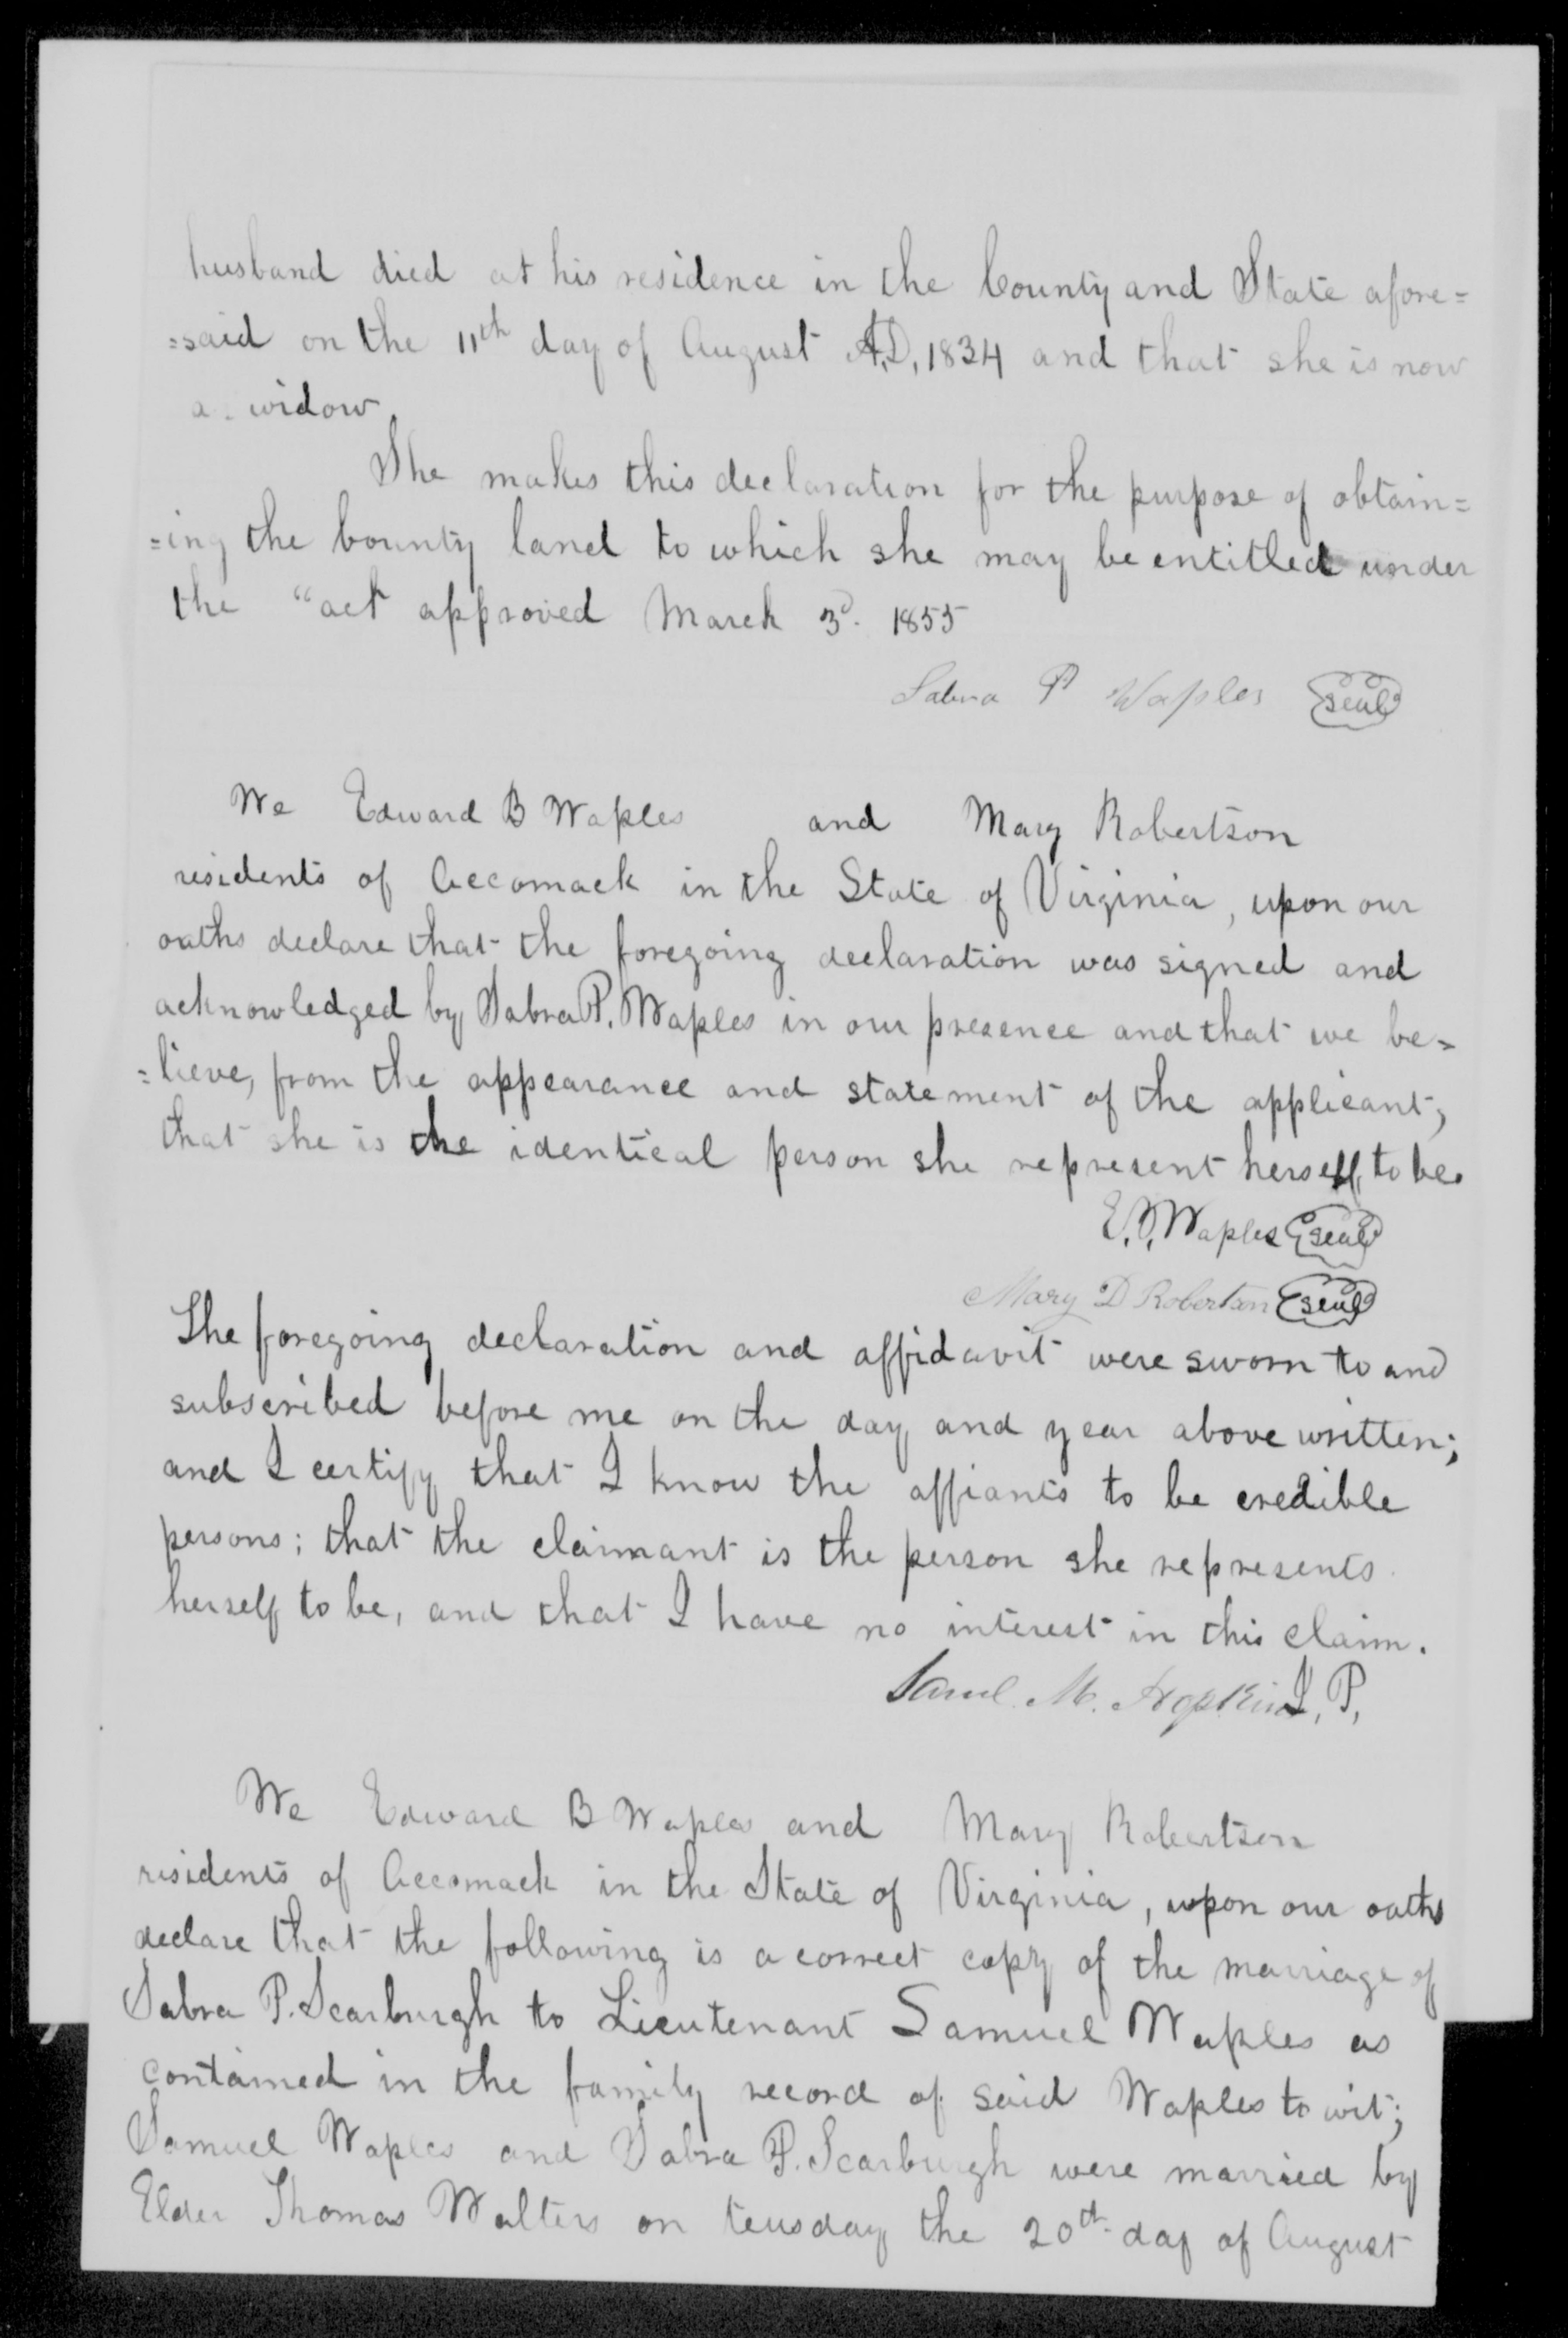husband died at his residence in the County and State aforesaid on the 11th day of August, AD, 1834 and that she is now a widow.
She makes this declaration for the purpose of obtaining the bounty land to which she may be entitled under the "act approved March 3d 1855
Sabra P Waples.   {seal}

We Edward B Waples and Mary Robertson residents of Accomack in the State of Virginia, upon our oaths declare that the foregoing declaration was signed and acknowledged by Sabra P. Waples in our presence and that we believe from the appearance and statement of the applicant that she is the identical person she represents herself to be.
E.B. Waples.  {seal}
Mary D. Robertson. {seal}

The foregoing declaration and affidavit were sworn to and subscribed before me on the day and year above written; and I certify that I know the affiants to be credible persons; that the claimant is the person she represents herself to be, and that I have no interest in this claim.
Saml.  M. Hopkins, J.P.

We Edward B Waples and Mary Robertson, residents of Accomack in the State of Virginia, upon our oaths declare that the following is a correct copy of the marriage of Sabra P. Scarburgh to Lieutenant Samuel Waples as contained in the family record of said Waples to wit; Samuel Waples and Sabra P. Scarburgh were married by Elder Thomas Walters on Tuesday the 20th day of August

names: Samuel Waples, Waples, Edward B Waples, Sabra P Scarburgh, Edward B Waples, Sabra P Scarburgh, E B Waples, Samuel Waples, Mary D Roberton, Thomas Walters, Sabra P Waples, Saml Hopkins, Sabra P Waples, Mary Robertson, Mary Robertson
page: 18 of 59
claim: widow's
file: W. 6427, Samuel Waples, Va.